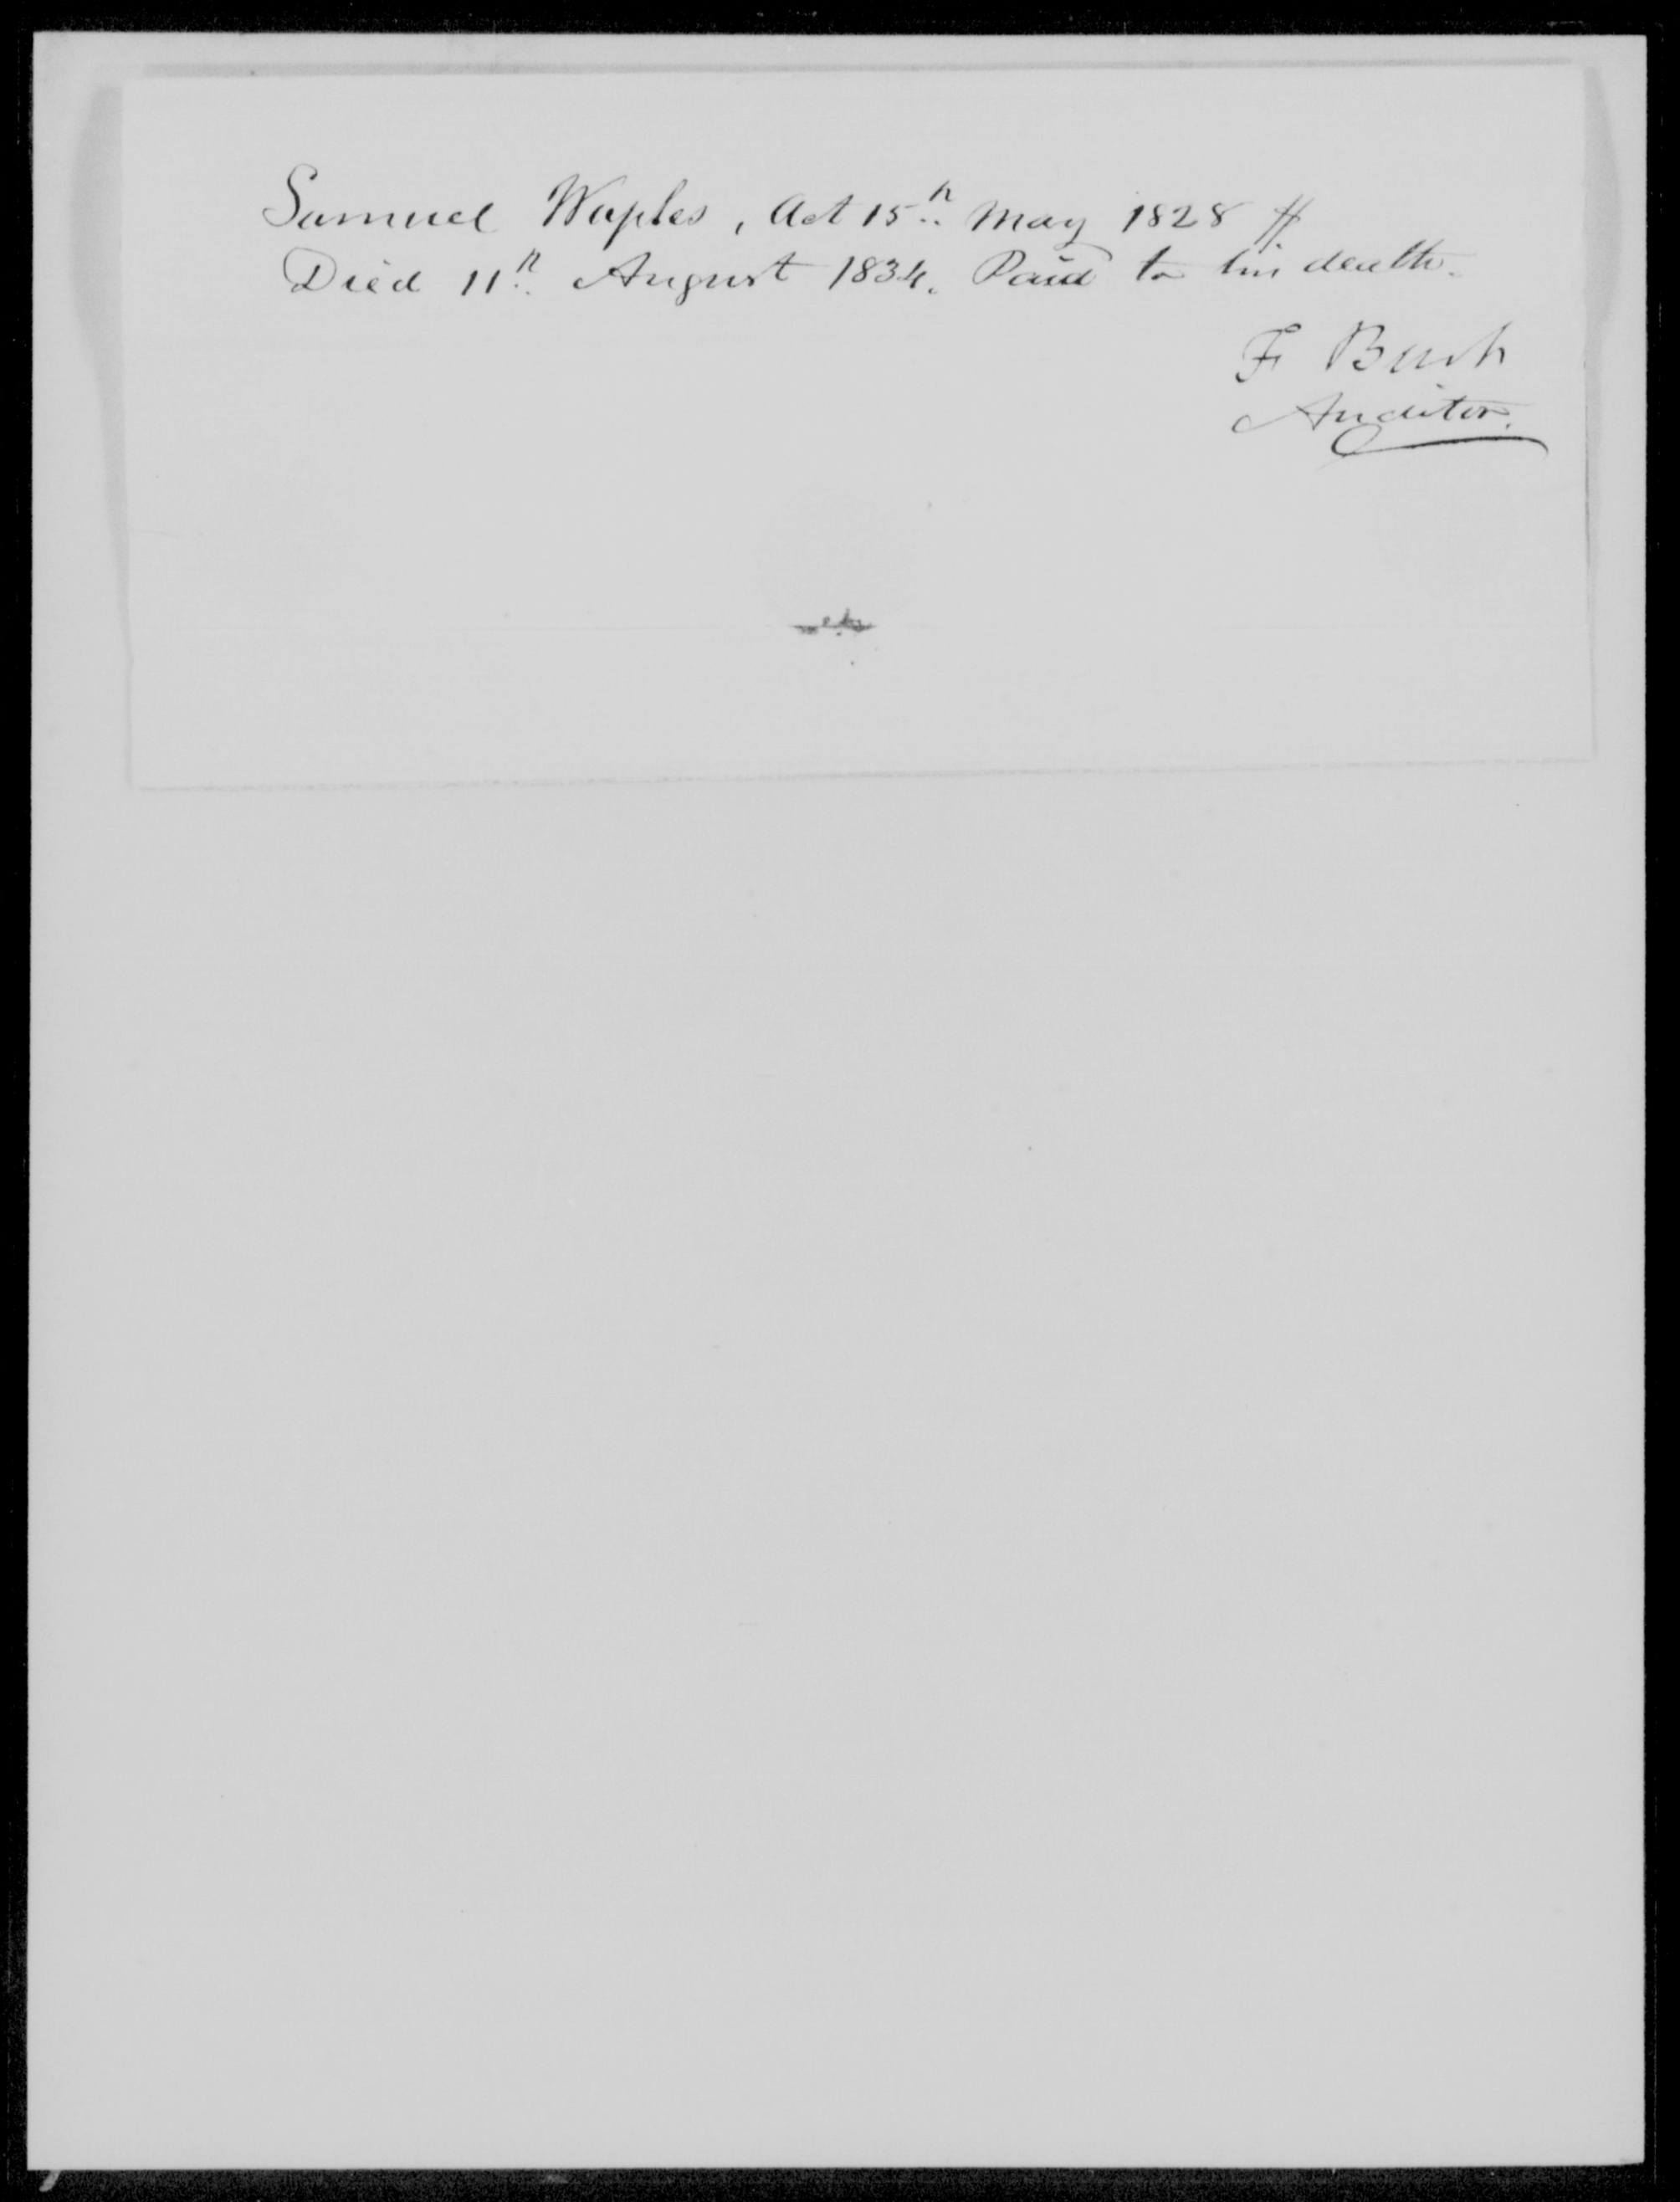Samuel Waples, Act 15th May 1828 
Died 11th August 1834. paid to his death.
F Bush
Auditor.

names: F Bush, Samuel Waples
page: 26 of 59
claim: widow's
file: W. 6427, Samuel Waples, Va.